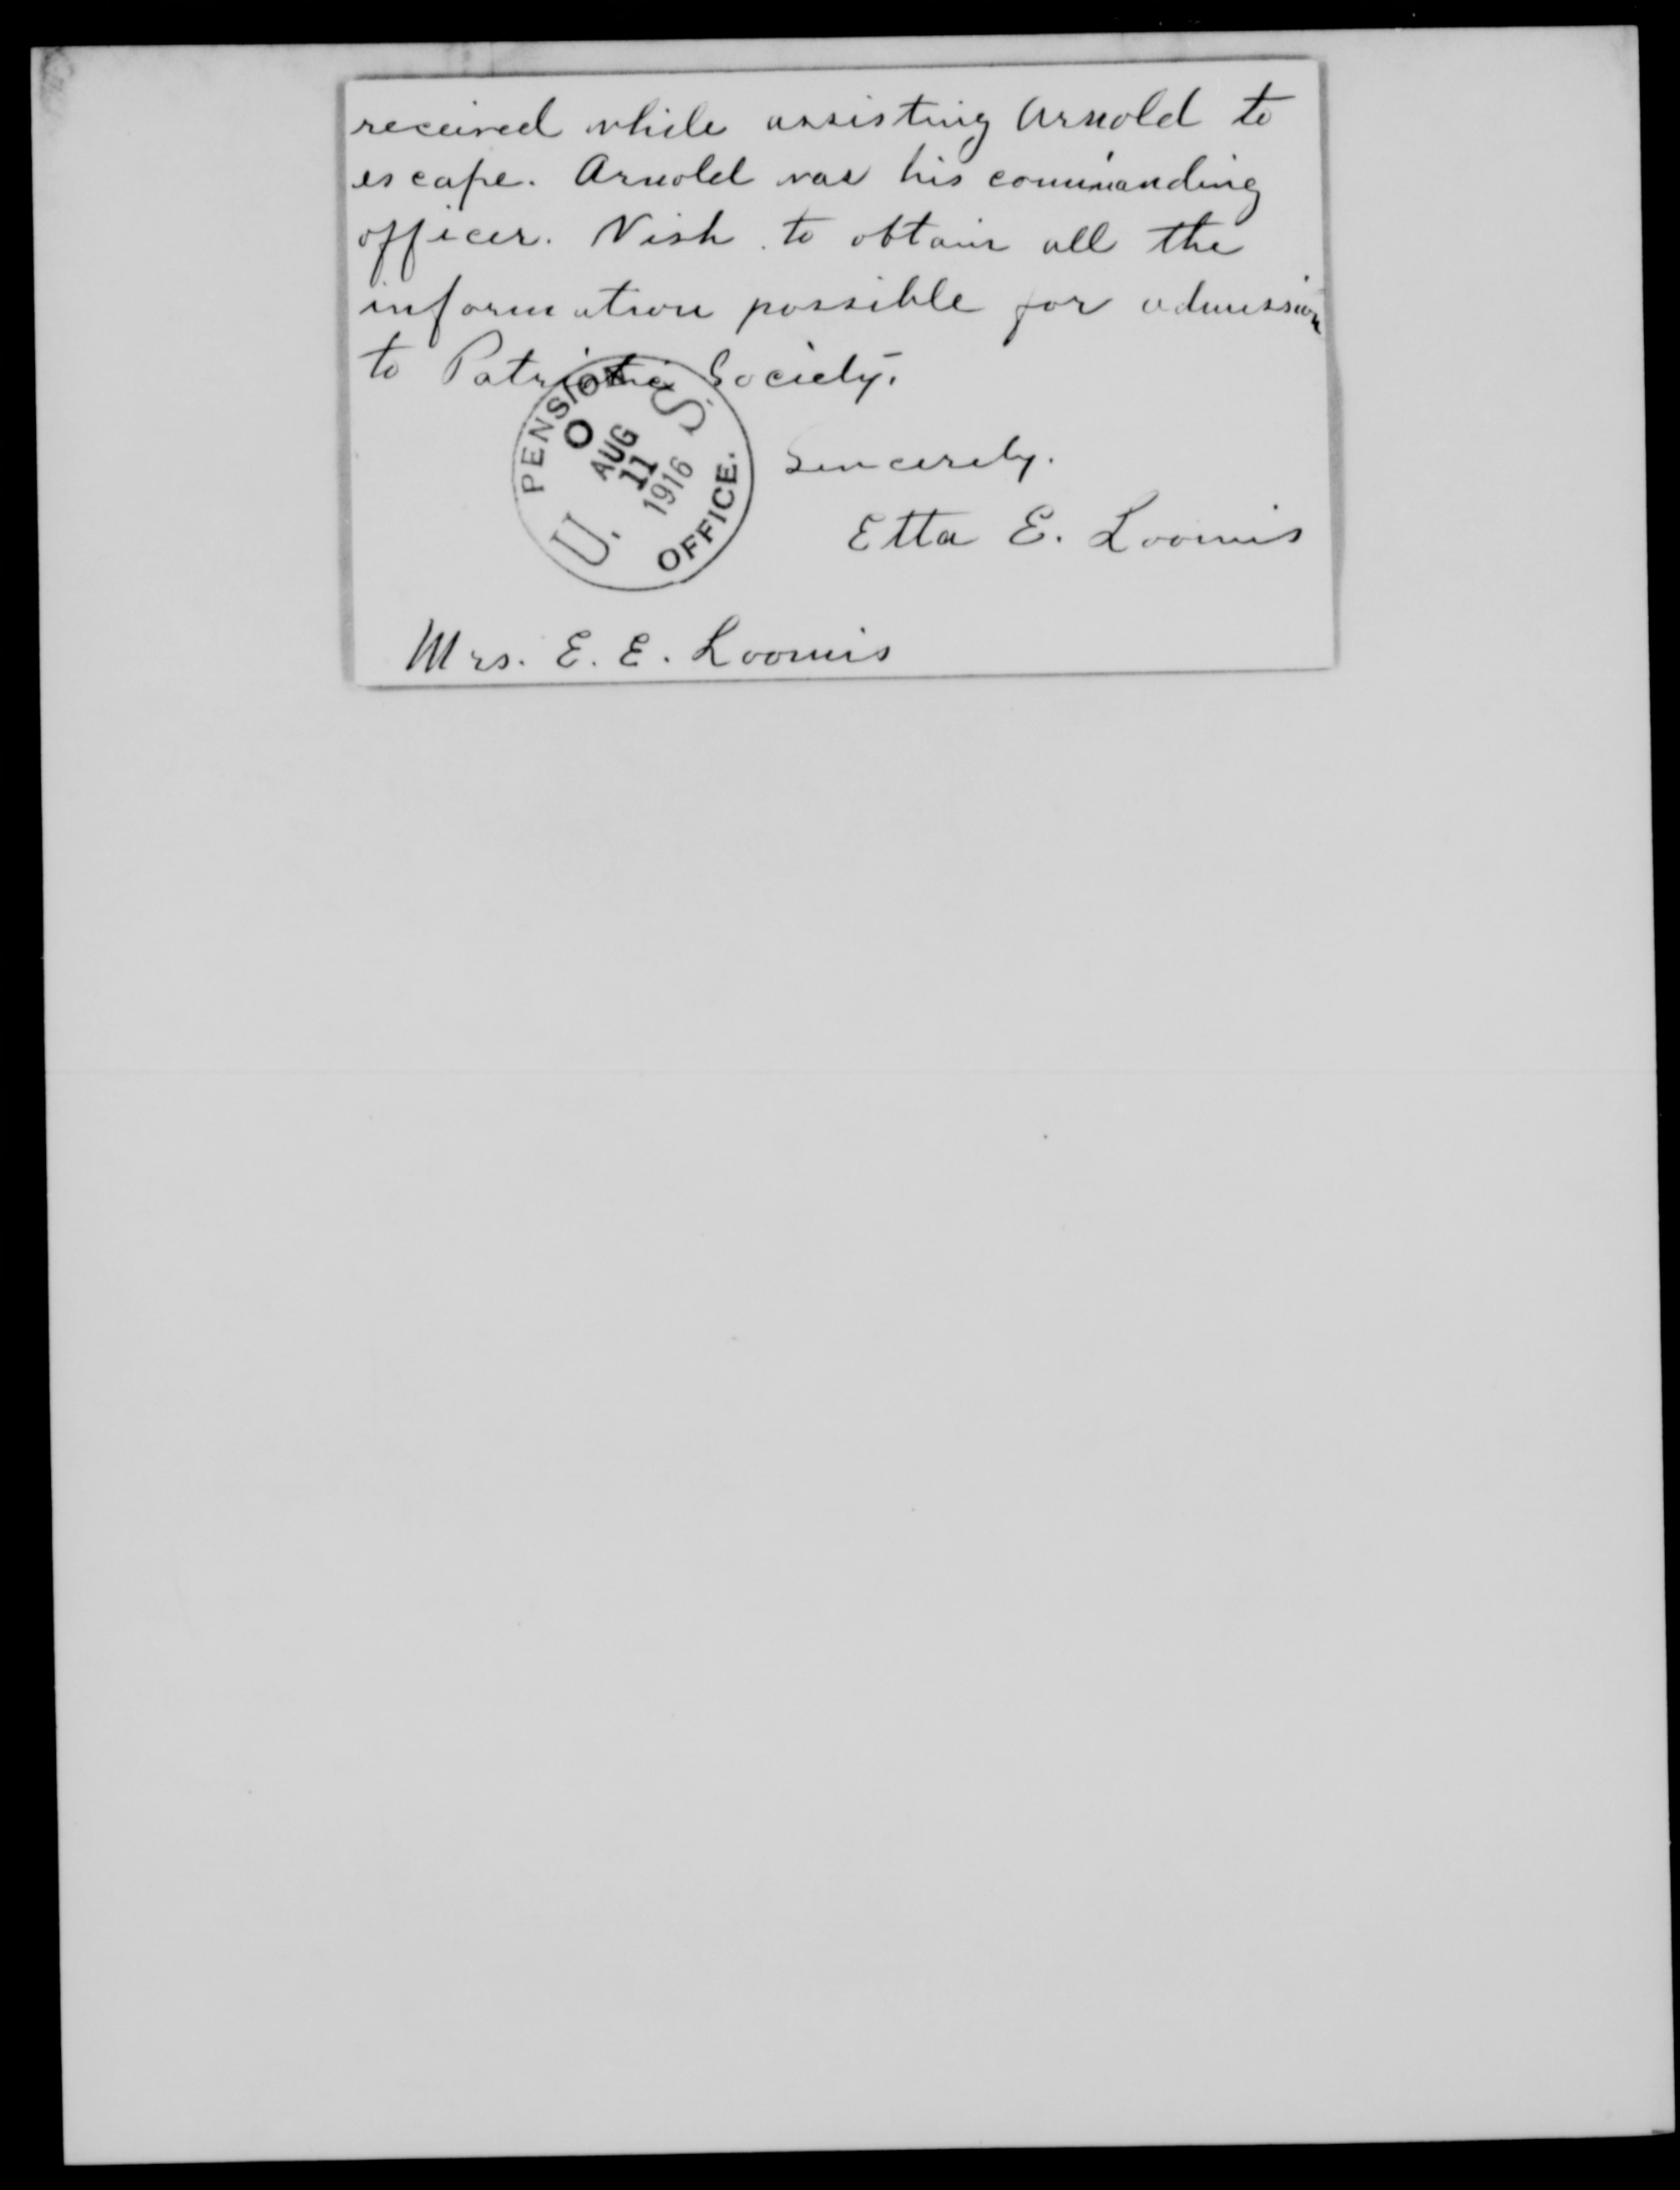received while assisting Arnold to
escape. Arnold was his commanding
officer. Wish to obtain all the
information possible for admission
to Patriot Society
Sincerely
Etta E. Loomis
Mrs. E. E. Loomis

U.S. PENSION OFFICE.
O
AUG 11 1916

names: Etta E Loomis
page: 38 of 50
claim: widow's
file: W. 25,969, Philip White, Conn.